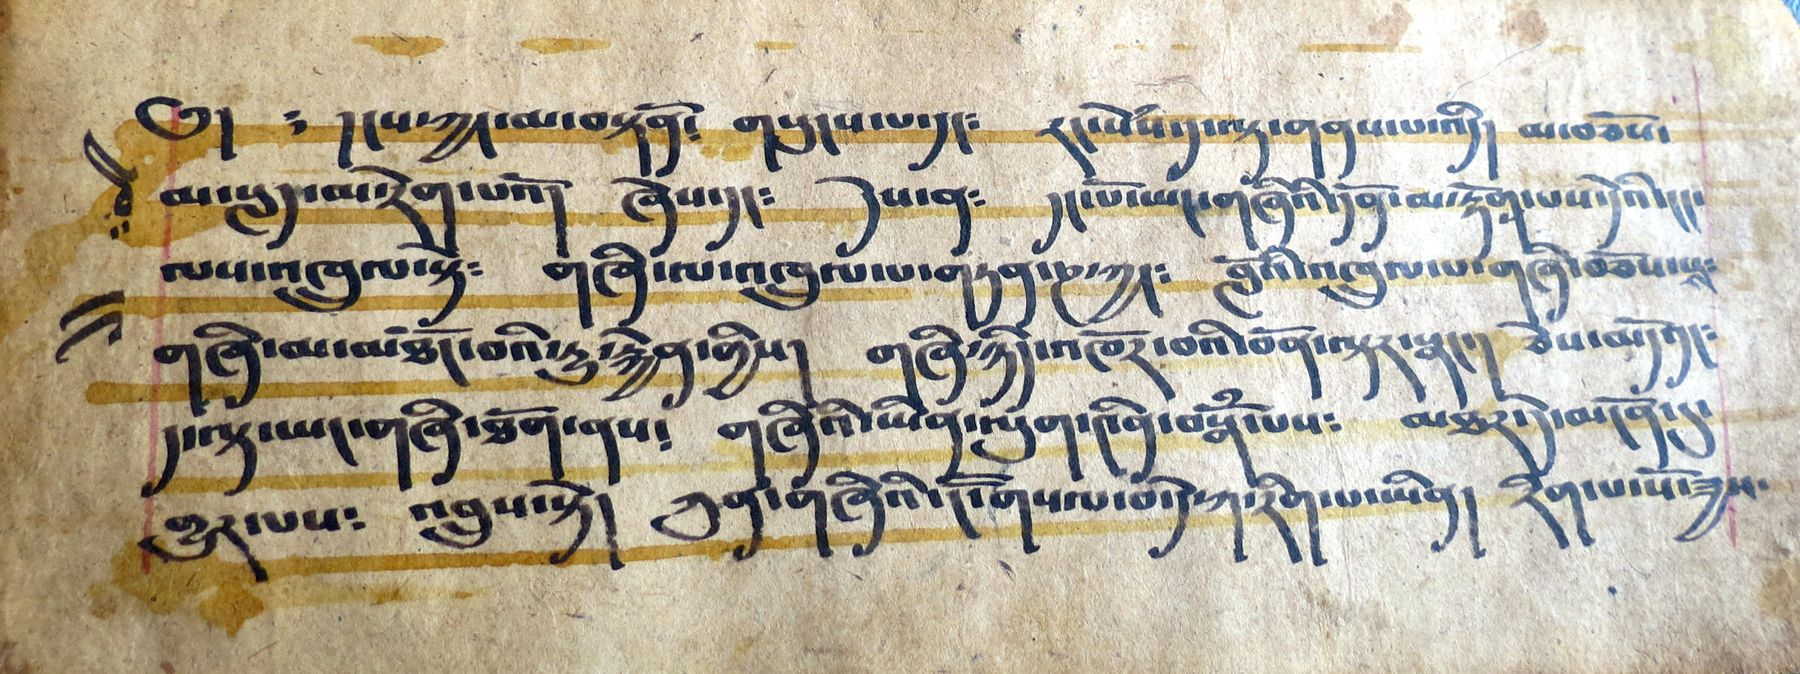ངས་ཀྱང་མ་བསྟན་ཏོ། གསུངས་པ་དང་། རང་སེམས་ད་ལྟ་གནས་པ་འདི། ། མ་བཅོས་
མ་བསླད་མ་རེག་པའོ། ། ཞེས་པས། དེས་ན་དང་པོ་ཡང་གཞིའི་དོན་མ་རྟོགས་པ། དེའི་ངང་
ལས་འཁྲུལ་ཏེ། གཞི་ལ་འཁྲུལ་པ་གཏན་མེད་ཀྱང་། བློ་ཡི་འཁྲུལ་པས་གཞི་བཅོས་པའི། 
གཞི་མ་མཐོང་བའི་རྒྱུ་རྐྱེན་གྱིས། གཞི་ཉིད་འཁོར་བའི་བོན་ལྟར་སྣང་། ཞེས་མདོ་དང་། 
ད་ལྟ་ཡང་གཞི་ཐོག་ནས་གཞིའི་ཡིན་ལུགས་ལྟར་བསྒོམ་པས། མཐར་དེ་མངོན་དུ་
གྱུར་པས་ འབྲས་བུ་སྟེ། ཀུན་གཞིའི་ངོ་བོ་གསལ་བ་དེ་ཀ་རིག་པ་ཡིན། རིག་པ་ངོས་བཟུང་